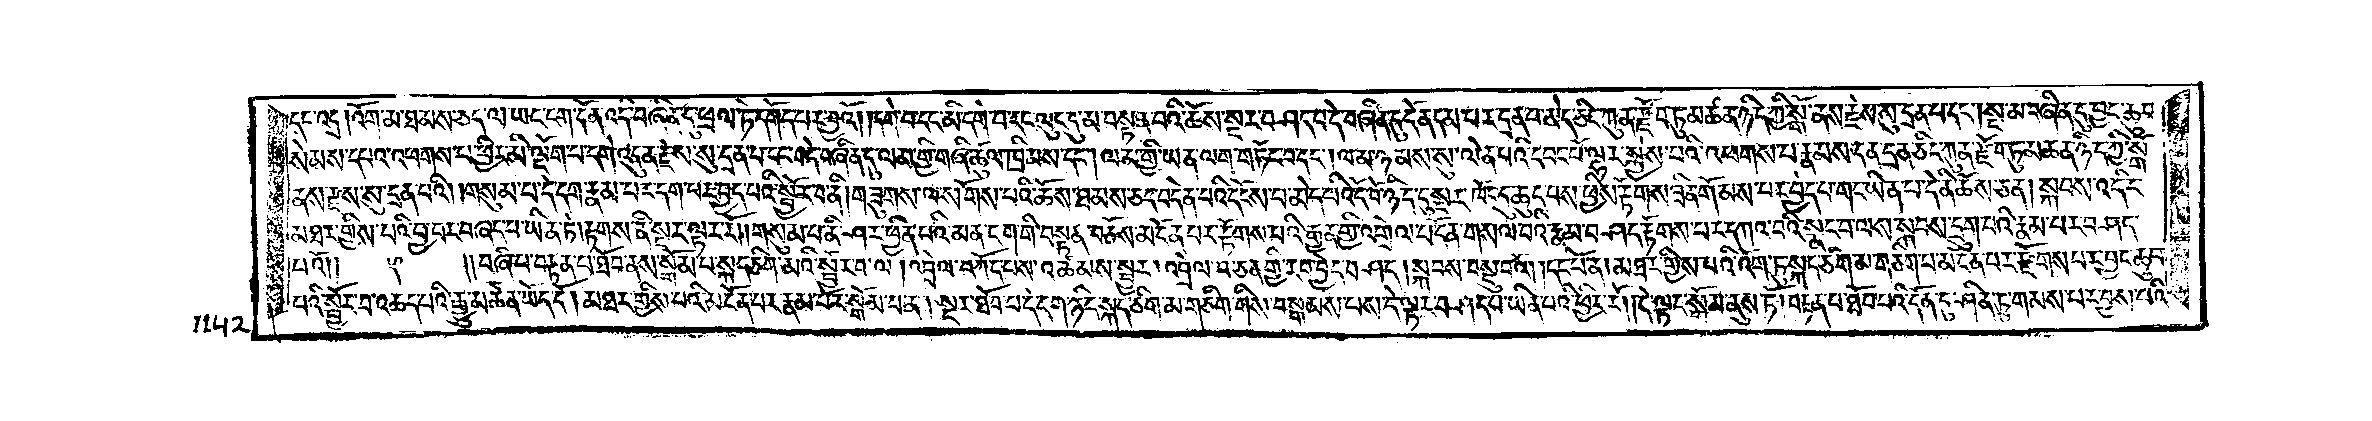དང་འདྲ། འོག་མ་ཐམས་ཅད་ལ་ཡང་ངག་དོན་འདི་བཞིན་དུ་ཕྲལ་ཏེ་དགོད་པར་བྱའོ། །དགེ་བ་དང་མི་དགེ་བ་དང་ལུང་དུ་མ་བསྟན་པའི་ཆོས་སྔར་བཤད་པ་དེ་བཞིན་དུ་དོན་དམ་པར་དྲན་པ་མེད་ཅིང་ཀུན་རྫོབ་ཏུ་མཚན་ཉིད་ཀྱི་སྒོ་ནས་རྗེས་སུ་དྲན་པ་དང་། སྔ་མ་བཞིན་དུ་བྱང་ཆུབ་
སེམས་དཔའ་འཕགས་པ་ཕྱིར་མི་ལྡོག་པ་དགེ་འདུན་རྗེས་སུ་དྲན་པ་དང་བདེ་བཞིན་དུ་ལམ་གྱི་གཞི་ཚུལ་ཁྲིམས་དང་། ལམ་གྱི་ཡན་ལག་གཏོང་བ་དང་། ལམ་ཉམས་སུ་ལེན་པའི་དབང་པོ་ལྷར་སྐྱེས་པའི་འཕགས་པ་རྣམས་དན་དྲན་ཅིང་ཀུན་རྫོབ་ཏུ་མཚན་ཉིད་ཀྱི་སྒོ་
ནས་རྫས་སུ་དྲན་པའི། །གསུམ་པ་དེ་དག་རྣམ་པར་དག་པར་བྱད་པའི་སྦྱོར་བ་ནི། གཟུགས་ལ་སོགས་པའི་ཆོས་ཐམས་ཅད་བདེན་པའི་དངོས་པོ་མེད་པའི་ངོ་བོ་ཉིད་དུ་སྔར་ཁོང་དུ་ཆུད་པས་ཕྱིས་རྟོགས་ཟིན་གོམས་པར་བྱེད་པ་གང་ཡིན་པ་དེ་ནི་ཆོས་ཅན། སྐབས་འདིར་
མཐར་གྱིས་པའི་བྱ་བར་བཞད་པ་ཡིན་ཏེ། རྟགས་ནི་སྔར་ལྟར་རོ། །གསུམ་པ་ནི་ཤེར་ཕྱིན་པའི་མན་ངག་གི་བསྟན་བཅོས་མངོན་པར་རྟོགས་པའི་རྒྱན་གྱི་འགྲེལ་བ་དོན་གསལ་བའི་རྣམ་བཤད་རྟོགས་པར་དཀའ་བའི་སྣང་བ་ལས་སྐབས་དྲུག་པའི་རྣམ་པར་བཤད་
པའོ།། ༈ །།བཞི་པ་བརྟན་པ་ཐོབ་ནས་སྒོམ་པ་སྐད་ཅིག་མའི་སྦྱོར་བ་ལ། འབྲེལ་བཀོད་པས་འཚམས་སྦྱར། འབྲེལ་བ་ཅན་གྱི་རབ་བྱེད་བཤད། སྐབས་བསྡུ་བའོ། །དང་པོ་ནི། མཐར་གྱིས་པའི་འོག་ཏུ་སྐད་ཅིག་མ་གཅིག་པ་མངོན་པར་རྫོགས་པར་བྱང་ཆུབ་
པའི་སྦྱོར་བ་འཆད་པའི་རྒྱུ་མཚན་ཡོད་དོ། མཐར་གྱིས་པའི་མངོན་པར་རྣམ་པར་སྒོམ་པ་ན། སྔར་ཐོབ་པ་དེ་དག་ཉིད་སྐད་ཅིག་མ་གཅིག་གིས་བསྒམས་པས་དེ་ལྟར་བཤད་པ་ཡིན་པའི་ཕྱིར་རོ། །དེ་ལྟར་སྒོམ་ནུས་ཏོ། བརྟན་པ་ཐོབ་པའི་དོན་དུ་ཤིན་ཏུ་གོམས་པར་བྱས་པའི་